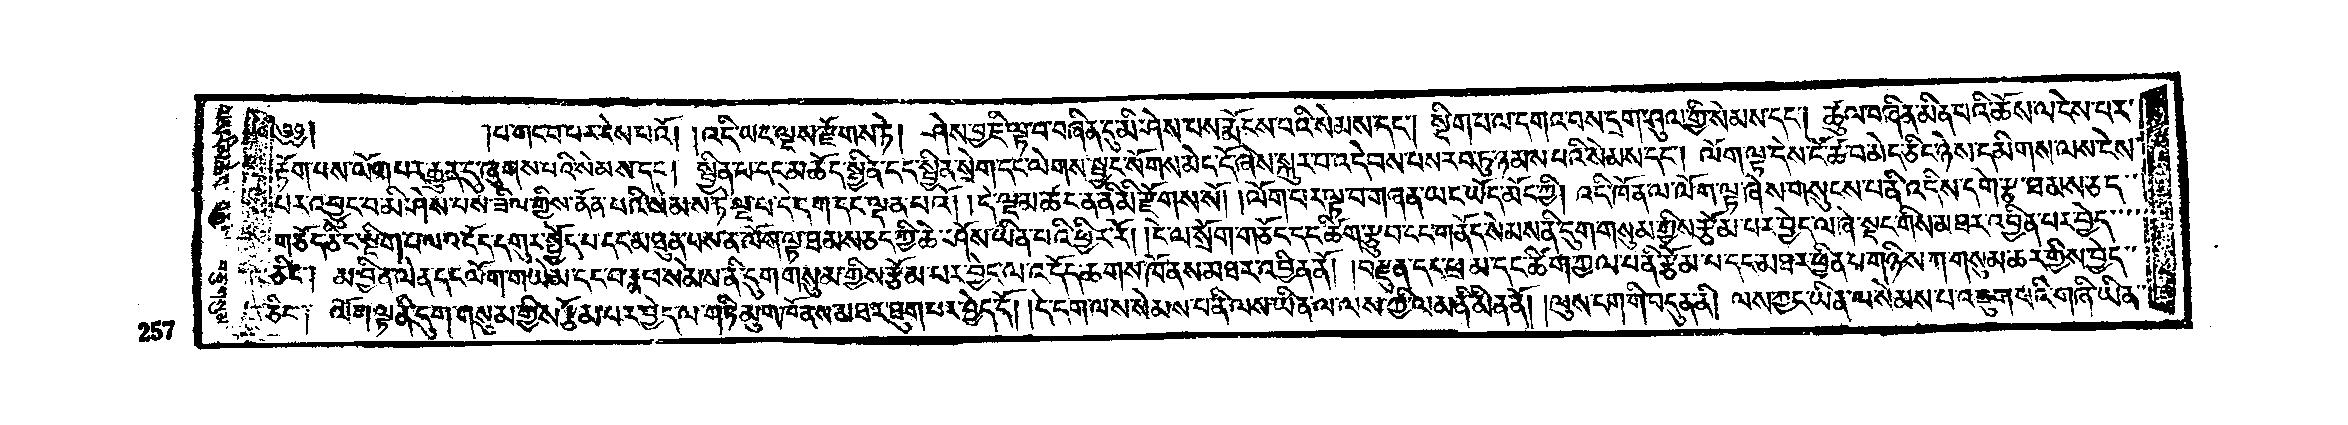༄༅། །བ་གདབ་པར་ངེས་པའོ། །འདི་ཡང་ལྔས་རྫོགས་ཏེ། ཤེས་བྱ་ཇི་ལྟ་བ་བཞིན་དུ་མི་ཤེས་པས་རྨོངས་པའི་སེམས་དང་། སྡིག་པ་ལ་དགའ་བས་དྲག་ཤུལ་གྱི་སེམས་དང་། ཚུལ་བཞིན་མིན་པའི་ཆོས་ལ་ངེས་པར་
རྟོག་པས་ལོག་པར་རྒྱུན་དུ་ཞུགས་པའི་སེམས་དང་། སྦྱིན་པ་དང་མཆོད་སྦྱིན་དང་སྦྱིན་སྲེག་དང་ལེགས་སྤྱང་སོགས་མེད་དོ་ཞེས་སྐུར་པ་འདེབས་པས་རབ་ཏུ་ཉམས་པའི་སེམས་དང་། ལོག་ལྟ་དེས་ངོ་ཚ་བ་མེད་ཅིང་ཉེས་དམིགས་ལས་ངེས་
པར་འབྱུང་བ་མི་ཤེས་པས་ཟིལ་གྱིས་ནོན་པའི་སེམས་ཏེ་ལྔ་པོ་དེ་དག་དང་ལྡན་པའོ། །དེ་ལྔ་མ་ཚང་ན་ནི་མི་རྫོགས་སོ། །ལོག་པར་ལྟ་བ་གཞན་ཡང་ཡོད་མོད་ཀྱི། འདི་ཁོ་ན་ལ་ལོག་ལྟ་ཞེས་གསུངས་པ་ནི་འདིས་དགེ་རྩ་ཐམས་ཅད་
གཅོད་ཅིང་སྡིག་པ་ལ་འདོད་དགུར་སྤྱོད་པ་དང་མཐུན་པས་ན་ལོག་ལྟ་ཐམས་ཅད་ཀྱི་ཆེ་ཤོས་ཡིན་པའི་ཕྱིར་རོ། །དེ་ལ་སྲོག་གཅོད་དང་ཚིག་རྩུབ་དང་གནོད་སེམས་ནི་དུག་གསུམ་གྱིས་རྩོམ་པར་བྱེད་ལ་ཞེ་སྡང་གིས་མཐར་འབྱིན་པར་བྱེད་
ཅིང༑ མ་བྱིན་ལེན་དང་ལོག་གཡེམ་དང་བརྣབ་སེམས་ནི་དུག་གསུམ་གྱིས་རྩོམ་པར་བྱེད་ལ་འདོད་ཆགས་ཁོ་ནས་མཐར་འབྱིན་ནོ། །བརྫུན་དང་ཕྲ་མ་དང་ཚིག་ཀྱལ་བ་ནི་རྩོམ་པ་དང་མཐར་ཕྱིན་པ་གཉིས་ཀ་གསུམ་ཆར་གྱིས་བྱེད་
ཅིང༑ ལོག་ལྟ་ནི་དུག་གསུམ་གྱིས་རྩོམ་པར་བྱེད་ལ་གཏི་མུག་ཁོ་ནས་མཐར་ཐུག་པར་བྱེད་དོ། །དེ་དག་ལས་སེམས་པ་ནི་ལས་ཡིན་ལ་ལས་ཀྱི་ལམ་ནི་མིན་ནོ། །ལུས་ངག་གི་བདུན་ནི། ལས་ཀྱང་ཡིན་ལ་སེམས་པ་འཇུག་པའི་གཞི་ཡིན་